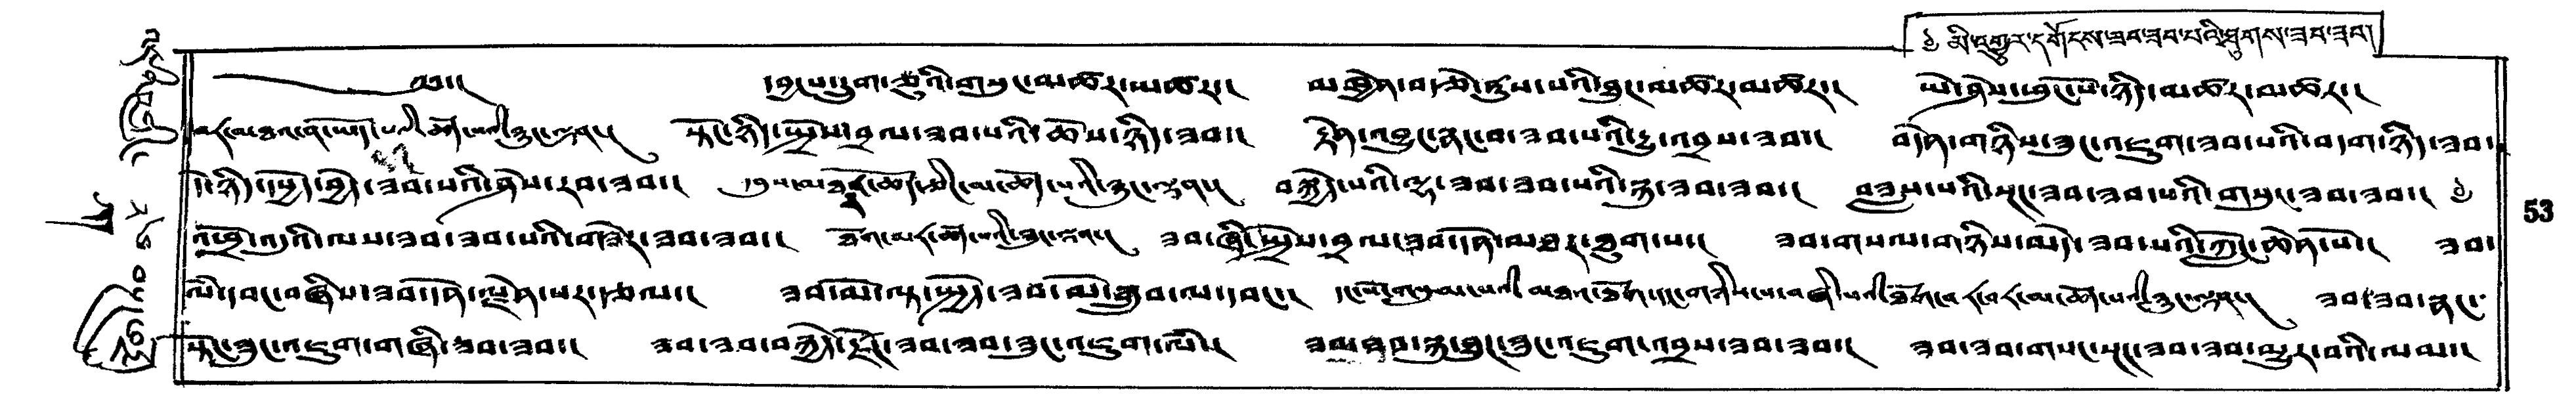དབྱངས་དྲུག་ཅུའི་གསུང་མཚར་མཚར། །མཁྱེན་བརྩེ་ནུས་པའི་ཐུགས་མཚར་མཚར། །ཡེ་ཤེས་ཕུང་པོ་ཉིད་མཚར་མཚར། ། 
བར་མཐའ་ན་ཡོད་པའི་ཆོད་པའི་ཟུང་ལྡན། སྟོང་ཉིད་སྤྲོས་བྲལ་ཟབ་པའི་ཆོས་ཉིད་ཟབ། །རྟེན་འབྱུང་སྣང་བ་ཟབ་པའི་རྒྱུ་འབྲས་ཟབ། །བདེན་གཉིས་ཟུང་འཇུག་ཟབ་པའི་བདག་ཉིད་ཟབ། །
དེ་ཉིད་དཔྱོད་བྱེད་ཟབ་པའི་ཤེས་རབ་ཟབ། ། དབུས་མཐར་ཆོད་ཅིང་མ་ཆོད་པའི་ཟུང་ལྡན། བསྐྱེད་པའི་ལྷ་ཟབ་ཟབ་པའི་སྐུ་ཟབ་ཟབ། །བཟླས་པའི་སྔགས་ཟབ་ཟབ་པའི་གསུང་ཟབ་ཟབ། །མི་འགྱུར་དགོངས་ཟབ་ཟབ་པའི་ཐུགས་ཟབ་ཟབ། །
འཕྲོ་འདུའི་ལས་ཟབ་ཟབ་པའི་གཟེར་ཟབ་ཟབ། ། ཐོག་མར་ཆོད་པའི་ཟུང་ལྡན། ཟབ་ཞི་སྤྲོས་བྲལ་ཟབ་དོན་མཐར་ཐུག་པ། །ཟབ་གསལ་གཉིས་མེད་ཟབ་པའི་ཀློང་ཆེན་པོ། །ཟབ་
ལམ་དབང་བཞིས་ཟབ་དོན་རྗེན་པར་བསྩལ། །ཟབ་མོ་ལྟ་སྤྱོད་ཟབ་མོ་སྒྲུབ་ལ་དབང་། ། དང་པོ་གསུམ་པའི་མཐའ་ཐོག་དང་གཉིས་པ་བཞི་པའི་ཐོག་བར་བར་མ་ཆོད་པའི་ཟུང་ལྡན། ཟབ་ཟབ་སྣང་
སྟོང་ཟུང་འཇུག་གཞི་ཟབ་ཟབ། །ཟབ་ཟབ་བསྐྱེད་རྫོགས་ཟབ་ཟབ་ཟུང་འཇུག་ལམ། །ཟབ་ཟབ་སྐུ་ཐུགས་ཟུང་འཇུག་འབྲས་ཟབ་ཟབ། །ཟབ་ཟབ་གསང་སྔགས་ཟབ་ཟབ་མྱུར་བའི་ལམ། །